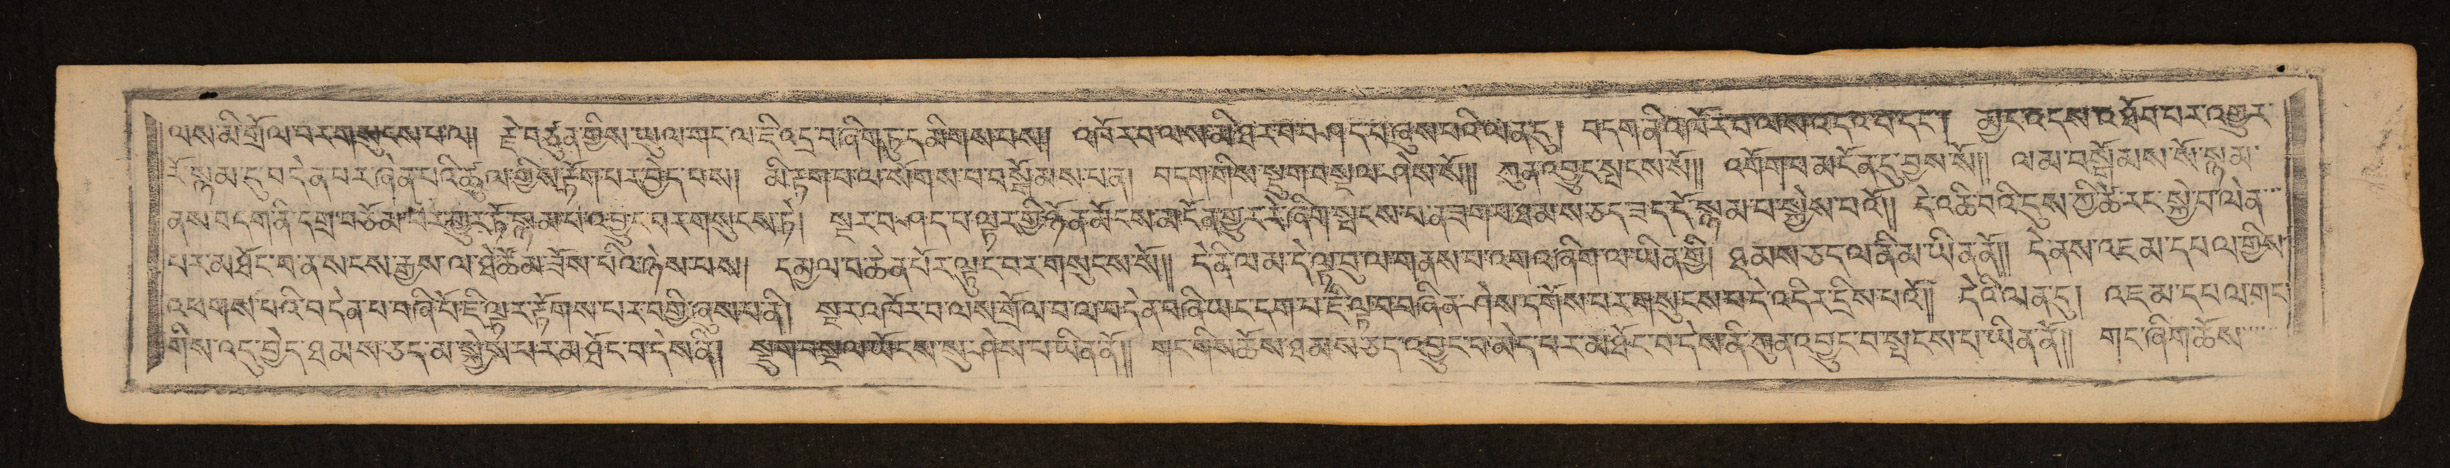ལས་མི་གྲོལ་བར་གསུངས་པ་ལ། རྗེ་བཙུན་གྱིས་ཡུལ་གང་ལ་ཇི་འདྲ་བ་ཞིག་ཏུ་དམིགས་པས། འཁོར་བ་ལས་མི་ཐར་བ་བཤད་པ་ཞུས་པའི་ལན་དུ། བདག་ནི་འཁོར་བ་ལས་འདའ་བ་དང་། མྱང་འདས་འཐོབ་པར་འགྱུར་
རོ་སྙམ་དུ་བདེན་པར་ཞེན་པའི་ཚུལ་གྱིས་རྟོག་པར་བྱེད་པས། མི་རྟག་པ་ལ་སོགས་པ་བསྒོམས་པ་ན། བདག་གིས་སྡུག་བསྔལ་ཤེས་སོ།། ཀུན་འབྱུང་སྤངས་སོ།། འགོག་པ་མངོན་དུ་བྱས་སོ།། ལམ་བསྒོམས་སོ་སྙམ་
ནས་བདག་ནི་དགྲ་བཅོམ་པར་གྱུར་ཏོ་སྙམ་པ་འབྱུང་བར་གསུངས་ཏེ། སྔར་བཤད་པ་ལྟར་གྱི་ཉོན་མོངས་མངོན་གྱུར་རེ་ཞིག་སྤངས་པ་ན་ཟག་པ་ཐམས་ཅད་ཟད་དོ་སྙམ་པ་སྐྱེས་པའོ།། དེ་འཆི་བའི་དུས་ཀྱི་ཚེ་རང་སྐྱེ་བ་ལེན་
པར་མཐོང་བ་ན་སངས་རྒྱས་ལ་ཐེ་ཚོམ་ཟོས་པའི་ཉེས་པས། དམྱལ་བ་ཆེན་པོར་ལྟུང་བར་གསུངས་སོ།། དེ་ནི་ལམ་དེ་ལྟ་བུ་ལ་གནས་པ་འགའ་ཞིག་ལ་ཡིན་གྱི། ཐམས་ཅད་ལ་ནི་མ་ཡིན་ནོ།། དེ་ནས་འཇམ་དཔལ་གྱིས་
འཕགས་པའི་བདེན་པ་བཞི་པོ་ཇི་ལྟར་རྟོགས་པར་བགྱི་ཞུས་པ་ནི། སྔར་འཁོར་བ་ལས་གྲོལ་བ་ལ་བདེན་བཞི་ཡང་དག་པ་ཇི་ལྟ་བ་བཞིན་ཤེས་དགོས་པར་གསུངས་པ་དེ་འདིར་དྲིས་པའོ།། དེའི་ལན་དུ། འཇམ་དཔལ་གང་
གིས་འདུ་བྱེད་ཐམས་ཅད་མ་སྐྱེས་པར་མཐོང་བ་དེས་ནི། སྡུག་བསྔལ་ཡོངས་སུ་ཤེས་པ་ཡིན་ནོ།། གང་གིས་ཆོས་ཐམས་ཅད་འབྱུང་བ་མེད་པར་མཐོང་བ་དེས་ནི་ཀུན་འབྱུང་བ་སྤངས་པ་ཡིན་ནོ།། གང་ཞིག་ཆོས་